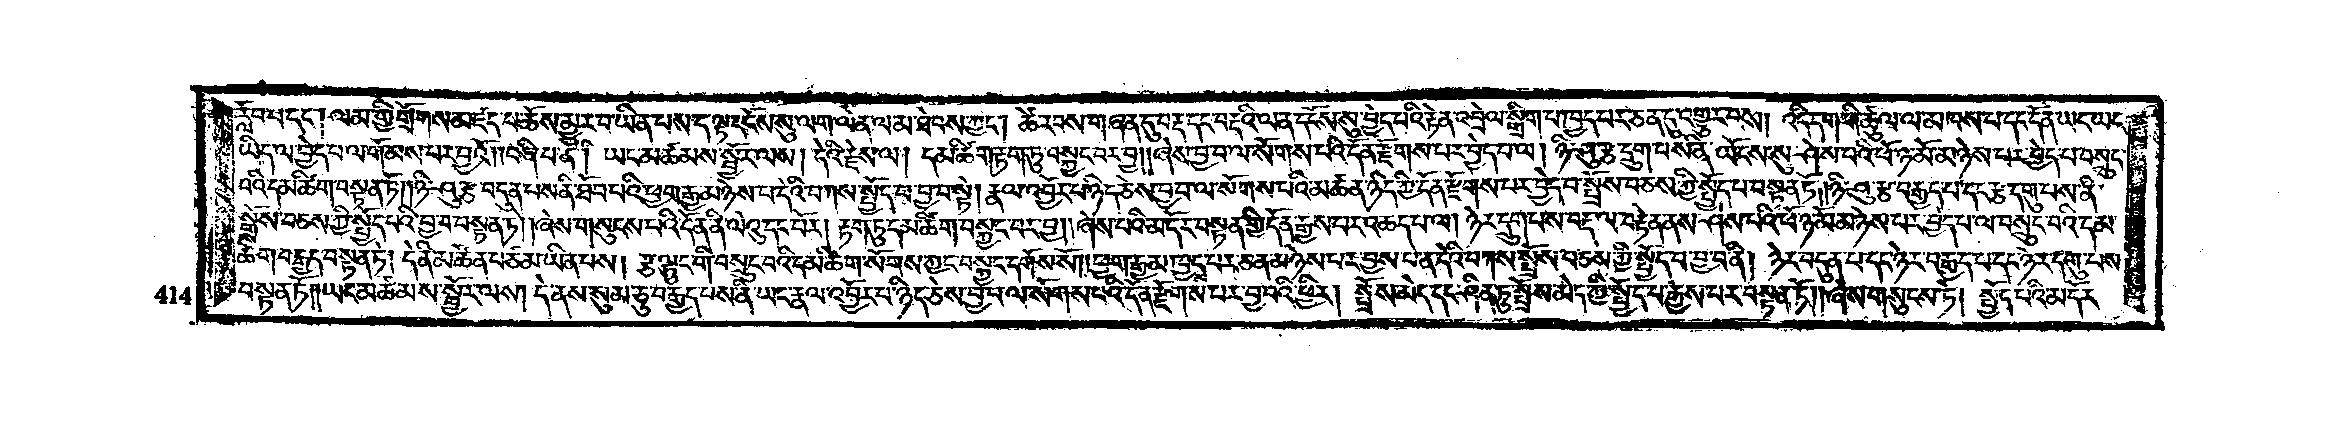རློབ་པ་དང་། ལམ་གྱི་གྲོགས་མཛད་པ་ཆེས་མྱུར་བ་ཡིན་པས་ད་ལྟ་དངོས་སུ་ལག་ལེན་ལ་མ་ཐེབས་ཀྱང་། ཚེ་རབས་གཞན་དུ་བརྡ་དང་བརྡའི་ལན་དངོས་སུ་བྱེད་པའི་རྟེན་འབྲེལ་སྒྲིག་པ་ཁྱད་པར་ཅན་དུ་འགྱུར་བས། འདི་དག་གི་ཚུལ་ལ་མཁས་པ་དང་དོན་ཡང་ཡང་
ཡིད་ལ་བྱེད་པ་ལ་གོམས་པར་བྱའོ། །བཞི་པ་ནི། ཡང་མཚམས་སྦྱོར་ལས། དེའི་རྗེས་ལ། དམ་ཚིག་རྟག་ཏུ་བསྐྱང་བར་བྱ། །ཞེས་བྱ་བ་ལ་སོགས་པའི་དོན་རྫོགས་པར་བྱེད་པ་ལ། ཉི་ཤུ་རྩ་དྲུག་པས་ནི་ཡོངས་སུ་ཤེས་པའི་ཕོ་ཉ་མོ་མཉེས་པར་བྱེད་པ་བསྲུང་
བའི་དམ་ཚིག་བསྟན་ཏོ། །ཉི་ཤུ་རྩ་བདུན་པས་ནི་ཐོབ་པའི་ཕྱག་རྒྱ་མཉེས་པ་དེའི་བཀས་སྤྱོད་པ་བྱ་བ་སྟེ། རྣལ་འབྱོར་པ་ཉིད་ཅེས་བྱ་བ་ལ་སོགས་པའི་མཚན་ཉིད་ཀྱི་དོན་རྫོགས་པར་བྱེད་པ་སྤྲོས་བཅས་ཀྱི་སྤྱོད་པ་བསྟན་ཏོ། །ཉི་ཤུ་རྩ་བརྒྱད་པ་དང་རྩ་དགུ་པས་ནི་
སྤྲོས་བཅས་ཀྱི་སྤྱོད་པའི་བྱ་བ་བསྟན་ཏོ། །ཞེས་གསུངས་པའི་དོན་ནི་ལེའུ་དང་པོར། རྟག་ཏུ་དམ་ཚིག་བསྐྱང་བར་བྱ། །ཞེས་པའི་མདོར་བསྟན་གྱི་དོན་རྒྱས་པར་འཆད་པ་ལ། ཉེར་དྲུག་པས་བརྡ་ལ་བརྟེན་ནས་ཤེས་པའི་ཕོ་ཉ་མོ་མཉེས་པར་བྱེད་པ་ལ་བསྲུང་བའི་དམ་
ཚིག་བརྒྱད་བསྟན་ཏོ། དེ་ནི་མཚོན་པ་ཙམ་ཡིན་པས། རྩ་ལྟུང་གི་བསྲུང་བའི་དམ་ཚིག་སོགས་ཀྱང་བསྐྱང་དགོས་སོ། །ཕྱག་རྒྱ་མ་ཁྱད་པར་ཅན་མཉེས་པར་བྱས་པ་ན་དེའི་བཀས་སྤྲོས་བཅས་ཀྱི་སྤྱོད་པ་བྱ་བ་ནི། ཉེར་བདུན་པ་དང་ཉེར་བརྒྱད་པ་དང་ཉེར་དགུ་པས་
བསྟན་ཏོ། །ཡང་མཚམས་སྦྱོར་ལས། དེ་ནས་སུམ་ཅུ་བརྒྱད་པས་ནི་ཡང་རྣལ་འབྱོར་པ་ཉིད་ཅེས་བྱ་བ་ལ་སོགས་པའི་དོན་རྫོགས་པར་བྱ་བའི་ཕྱིར། སྤྲོས་མེད་དང་ཤིན་ཏུ་སྤྲོས་མེད་ཀྱི་སྤྱོད་པ་རྒྱས་པར་བསྟན་ཏོ། །ཞེས་གསུངས་ཏེ། སྤྱོད་པའི་མདོར་